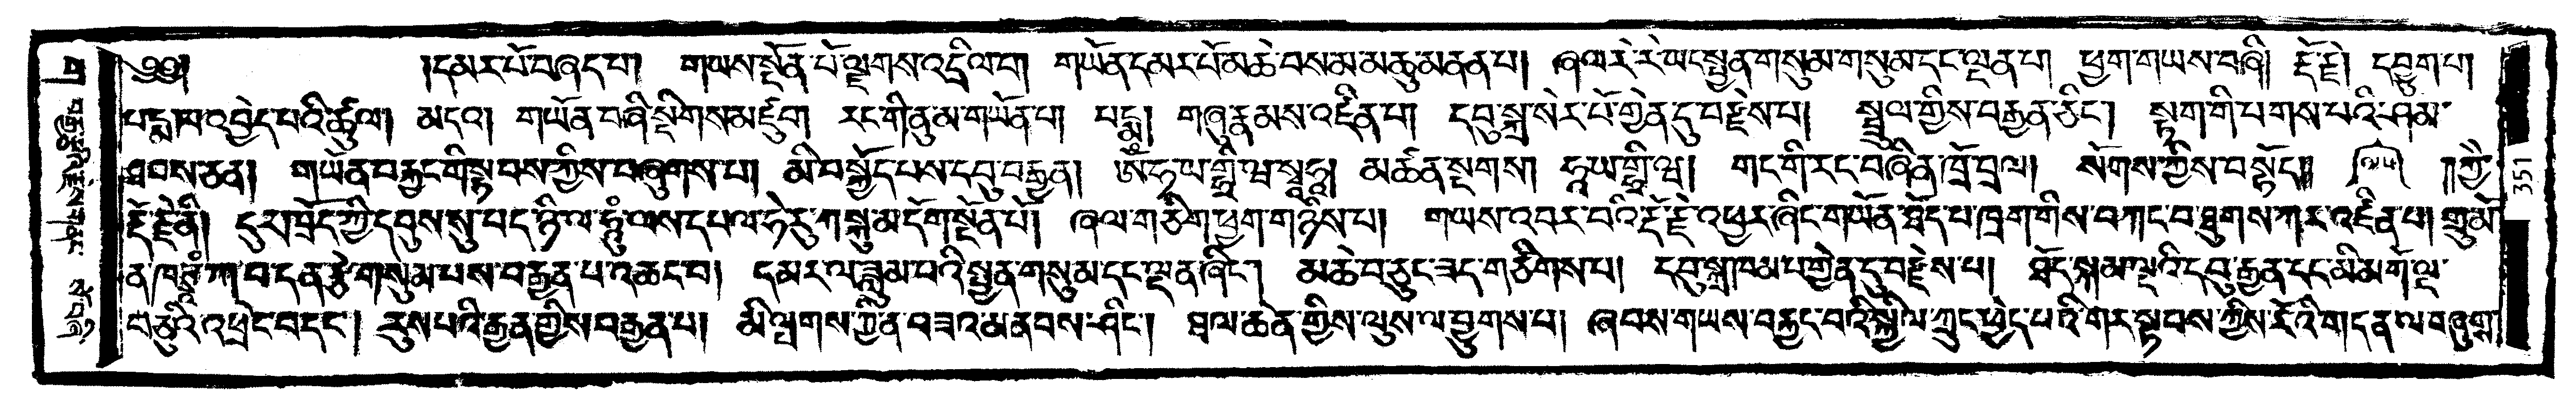༄༅། །དམར་པོ་བཞད་པ། གཡས་སྔོན་པོ་ལྗགས་འདྲིལ་པ། གཡོན་དམར་པོ་མཆེ་བསམ་མཆུ་མནན་པ། ཞལ་རེ་རེ་ཡང་སྤྱན་གསུམ་གསུམ་དང་ལྡན་པ། ཕྱག་གཡས་བཞི། རྡོ་རྗེ། དབྱུག་པ།
པདམ་ཁ་འབྱེད་པའི་ཚུལ། མདའ། གཡོན་བཞི་སྡིགས་མཛུབ། རང་གི་ནུ་མ་གཡོན་པ། པདམ། གཞུ་རྣམས་འཛིན་པ། དབུ་སྐྲ་སེར་པོ་གྱེན་དུ་བརྫེས་པ། སྦྲུལ་གྱིས་བརྒྱན་ཅིང་། སྟག་གི་པགས་པའི་ཤམ་
ཐབས་ཅན། གཡོན་བརྐྱང་གི་སྟབས་ཀྱིས་བཞུགས་པ། མི་བསྐྱོད་པས་དབུ་བརྒྱན། ཨོཾ་ཧ་ཡ་གྷྲི་ཝ་སྭཱཧཱ། མཚན་སྔགས། ཧཱ་ཡ་གྷྲི་ཝ། གང་གི་རང་བཞིན་ཁྲོ་བྲལ། སོགས་ཀྱིས་བསྟོད།། ༧༥?་།།ཀྱཻ་
རྡོ་རྗེ་ནི། དུར་ཁྲོད་ཀྱི་དབུས་སུ་པད་ཉི་ལ་ཧཱུཾ་ལས་དཔལ་ཧེ་རུ་ཀ་སྐུ་མདོག་སྔོན་པོ། ཞལ་གཅིག་ཕྱག་གཉིས་པ། གཡས་འབར་བའི་རྡོ་རྗེ་འཕྱར་ཞིང་གཡོན་ཐོད་པ་ཁྲག་གིས་བཀང་བ་ཐུགས་ཀར་འཛིན་པ། གྲུ་མོ་
ན་ཁ་ཊྭཱཾ་ཀ་བ་དན་རྩེ་གསུམ་པས་བརྒྱན་པ་འཆང་བ། དམར་ལ་ཟླུམ་པའི་སྤྱན་གསུམ་དང་ལྡན་ཞིང་། མཆེ་བ་ཅུང་ཟད་གཙིགས་པ། དབུ་སྐྲ་ཁམ་པ་གྱེན་དུ་བརྫེས་པ། ཐོད་སྐམ་ལྔའི་དབུ་རྒྱན་དང་མི་མགོ་ལྔ་
བཅུའི་འཕྲེང་བ་དང་། རུས་པའི་རྒྱན་གྱིས་བརྒྱན་པ། མི་ལྤགས་ཀྱི་ན་བཟའ་མནབས་ཤིང་། ཐལ་ཆེན་གྱིས་ལུས་ལ་བྱུགས་པ། ཞབས་གཡས་བརྐྱང་བའི་སྐྱིལ་ཀྲུང་ཕྱེད་པའི་གར་སྟབས་ཀྱིས་རོའི་གདན་ལ་བཞུགས་